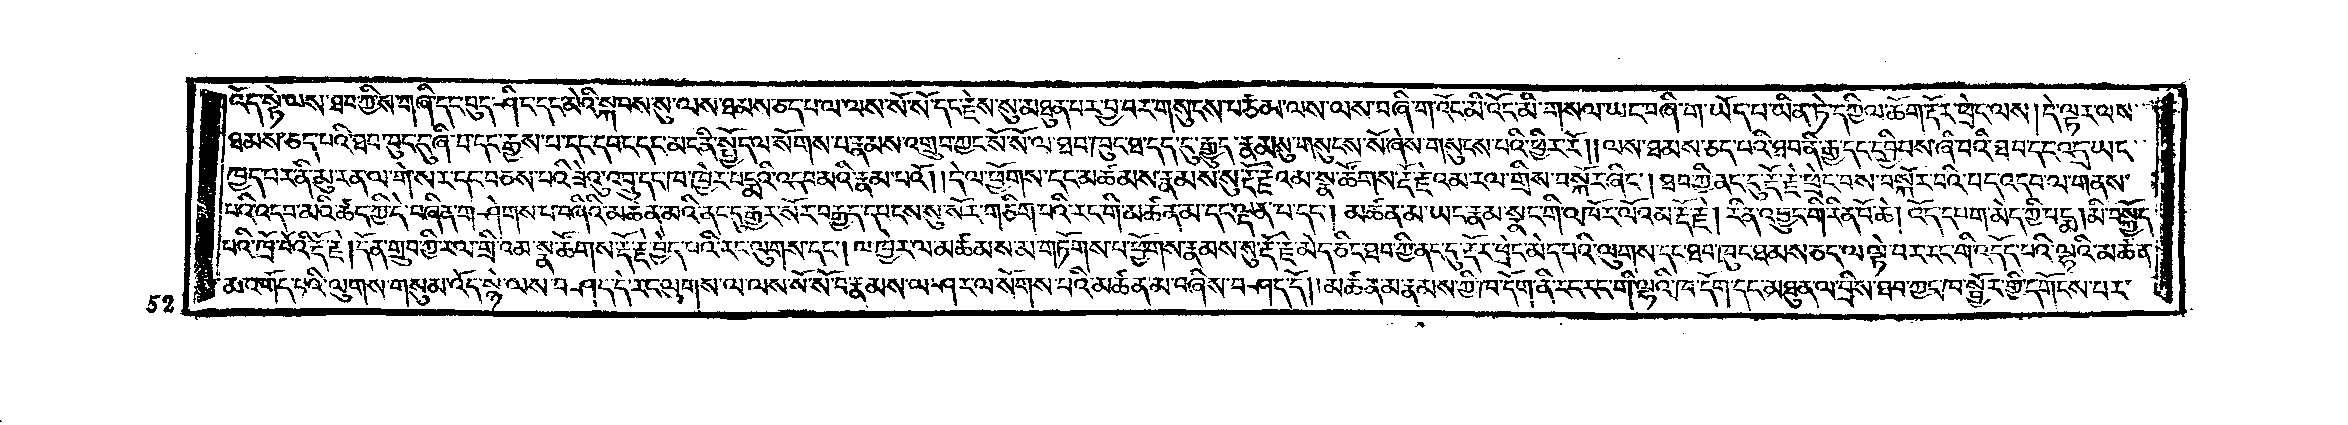འོད་སྟེ་ལས་ཐབ་ཀྱི་ས་གཞི་དང་བུད་ཤིང་དང་མེའི་སྐབས་སུ་ལས་ཐམས་ཅད་པ་ལ་ལས་སོ་སོ་དང་རྗེས་སུ་མཐུན་པར་བྱ་བར་གསུངས་པ་ཙམ་ལས་ལས་བཞི་ག་འོང་མི་འོང་མི་གསལ་ཡང་བཞི་ག་ཡོད་པ་ཡིན་ཏེ་དཀྱིལ་ཆོག་རྡོར་ཕྲེང་ལས། དེ་ལྟར་ལས་
ཐམས་ཅད་པའི་ཐབ་བུང་དུ་ཞི་བ་དང་རྒྱས་པ་དང་དབང་དང་མང་ནི་སྤྱོད་ལ་སོགས་པ་རྣམས་འགྲུབ་ཀྱང་སོ་སོ་ལ་ཐབ་ཁུང་ཐ་དད་དུ་རྒྱུད་རྣམས་སུ་གསུངས་སོ་ཞེས་གསུངས་པའི་ཕྱིར་རོ། །ལས་ཐམས་ཅད་པའི་ཐབ་ནི་རྒྱ་དང་དབྱིབས་ཞི་བའི་ཐབ་དང་འདྲ་ཡང་
ཁྱད་པར་ནི་མུ་རན་ལ་གེ་སར་དང་བཅས་པའི་ཟེའུ་འབྲུ་དང་ཁ་ཁྱེར་པདམའི་འདབ་མའི་རྣམ་པའོ། །དེ་ལ་ཕྱོགས་དང་མཚམས་རྣམས་སུ་རྡོ་རྗེའམ་སྣ་ཚོགས་རྡོ་རྗེའམ་རལ་གྲིས་བསྐོར་ཞིང་། ཐབ་ཀྱི་ནང་དུ་རྡོ་རྗེ་ཕྲེང་བས་བསྐོར་བའི་པད་འདབ་ལ་གནས་
པའི་འདབ་མའི་ཚད་ཀྱི་དེ་བཞིན་གཤེགས་པ་བཞིའི་མཚན་མའི་ནང་དུ་རྒྱར་སོར་བརྒྱད་དཔངས་སུ་སོར་གཅིག་པའི་རང་གི་མཚན་མ་དང་ལྡན་པ་དང་། མཚན་མ་ཡང་རྣམ་སྣང་གི་འཁོར་ལོའམ་རྡོ་རྗེ། རིན་འབྱུང་གི་རིན་པོ་ཆེ། འོད་དཔག་མེད་ཀྱི་པདམ། མི་བསྐྱོད་
པའི་ཁྲོ་བོའི་རྡོ་རྗེ། དོན་གྲུབ་ཀྱི་རལ་གྲིའམ་སྣ་ཚོགས་རྡོ་རྗེ་བྱེད་པའི་རང་ལུགས་དང་། ལ་ཁྱེར་ལ་མཚམས་མ་གཏོགས་པ་ཕྱོགས་རྣམས་སུ་རྡོ་རྗེ་མེད་ཅིང་ཐབ་ཀྱི་ནང་དུ་རྡོར་ཕྲེང་མེད་པའི་ལུགས་དང་ཐབ་ཁུང་ཐམས་ཅད་ལ་ལྟེ་བར་རང་གི་འདོད་པའི་ལྷའི་མཚན་
མ་འགོད་པའི་ལུགས་གསུམ་འོད་སྙེ་ལས་བཤད་དེ་རང་ལུགས་ལ་ལས་སོ་སོ་བ་རྣམས་ལ་ཤར་ལ་སོགས་པའི་མཚན་མ་བཞིས་བཤད་དོ། །མཚན་མ་རྣམས་ཀྱི་ཁ་དོག་ནི་རང་རང་གི་ལྷའི་ཁ་དོག་དང་མཐུན་ལ་བྲིས་ཐབ་ཀྱང་ཁ་སྦྱོར་གྱི་དགོངས་པར་